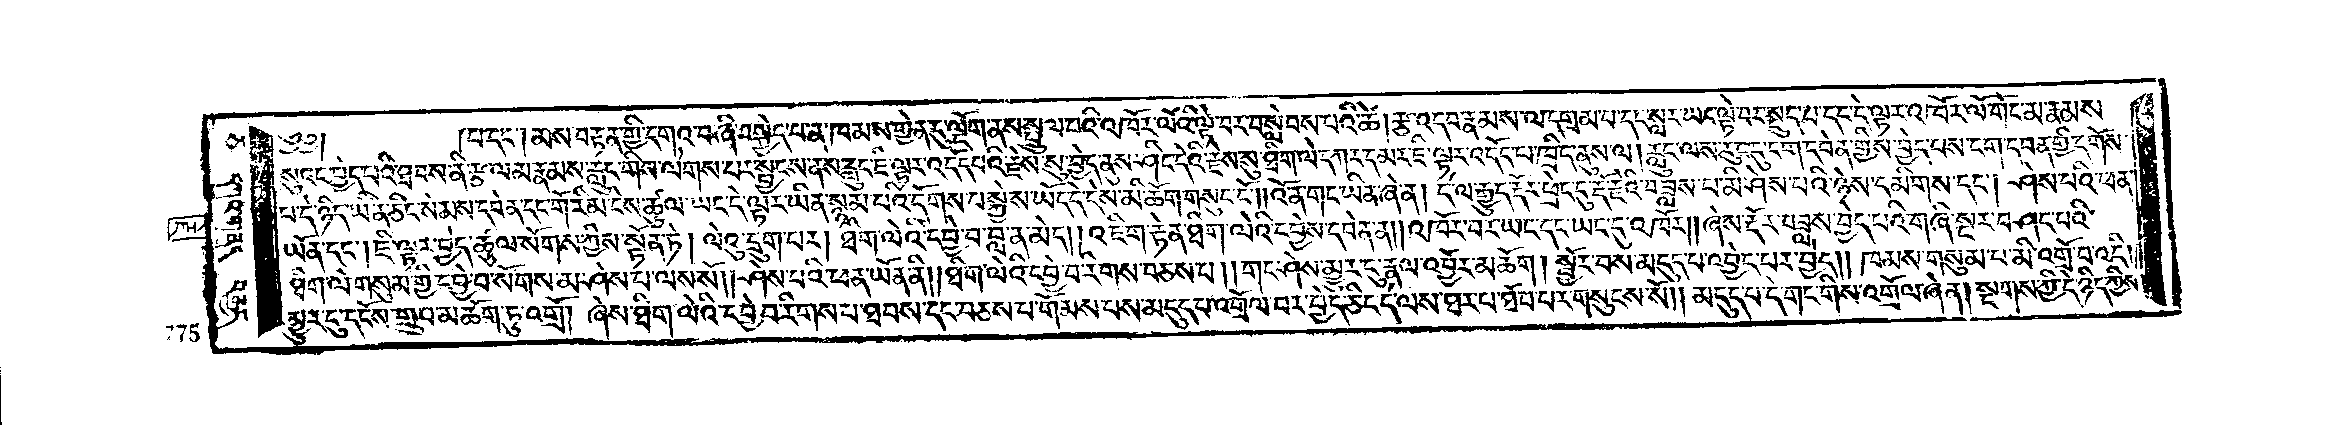༄༅། །པ་དང་། མས་བརྟན་གྱི་དགའ་བཞི་བསྐྱེད་པ་ན་ཁམས་གྱེན་དུ་ལྡོག་ནས་སྤྲུལ་པའི་འཁོར་ལོའི་ལྟེ་བར་བསླེབས་པའི་ཚེ། རྩ་འདབ་རྣམས་ལ་དགྲམ་པ་དང་སླར་ཡང་ལྟེ་བར་སྡུད་པ་དང་དེ་ལྟར་འཁོར་ལོ་གོང་མ་རྣམས་
སུའང་བྱེད་པའི་ཐབས་ནི་རྩ་ལམ་རྣམས་རླུང་གིས་ལེགས་པར་སྦྱངས་ནས་རླུང་ཇི་ལྟར་འདོད་པའི་རྗེས་སུ་བྱེད་ནུས་ཤིང་དེའི་རྗེས་སུ་ཐིག་ལེ་དཀར་དམར་ཇི་ལྟར་འདོད་པ་ཁྲིད་ནུས་ལ། རླུང་ལས་རུང་དུ་ངག་དབེན་གྱིས་བྱེད་པས་ངག་དབེན་གྱི་དགོས་
པ་དེ་ཉིད་ཡིན་ཅིང་སེམས་དབེན་དང་གོ་རིམ་ངེས་ཚུལ་ཡང་དེ་ལྟར་ཡིན་སྙམ་པའི་དོགས་པ་སྐྱེ་ས་ཡོད་དེ་དེས་མི་ཆོག་གསུང་ངོ། །འོ་ན་གང་ཡིན་ཞེ་ན། དེ་ལ་རྒྱུད་རྡོར་ཕྲེང་དུ་རྡོ་རྗེའི་བཟླས་པ་མི་ཤེས་པའི་ཉེས་དམིགས་དང་། ཤེས་པའི་ཕན་
ཡོན་དང་། ཇི་ལྟར་བྱེད་ཚུལ་སོགས་ཀྱིས་སྟོན་ཏེ། ལེའུ་དྲུག་པར། ཐིག་ལེའི་དབྱེ་བ་བླ་ན་མེད། །འཇིག་རྟེན་ཐིག་ལེའི་དབྱེས་དབེན་ན། །འཁོར་བར་ཡང་དང་ཡང་དུ་འཁོར། །ཞེས་རྡོར་བཟླས་བྱེད་པའི་གཞི་སྔར་བཤད་པའི་
ཐིག་ལེ་གསུམ་གྱི་དབྱེ་བ་སོགས་མ་ཤེས་པ་ལས་སོ། །ཤེས་པའི་ཕན་ཡོན་ནི། །ཐིག་ལེའི་དབྱེ་བ་རིགས་བཅས་པ། །གང་ཤེས་མྱུར་དུ་རྣལ་འབྱོར་མཆོག །སྦྱོར་བས་མདུད་པ་འབྱེད་པར་བྱེད། །ཁམས་གསུམ་པ་མི་འགྲོ་བ་འདི། །
མྱུར་དུ་དངོས་གྲུབ་མཆོག་ཏུ་འགྲོ་།ཞེས་ཐིག་ལེའི་དབྱེ་བ་རིགས་པ་ཐབས་དང་བཅས་པ་གོམས་པས་མདུད་པ་འགྲོལ་བར་བྱེད་ཅིང་དེ་ལས་ཐར་པ་ཐོབ་པར་གསུངས་སོ། །མདུད་པ་དེ་གང་གིས་འགྲོལ་ཞེ་ན། སྔགས་ཀྱི་དེ་ཉིད་ཀྱིས་